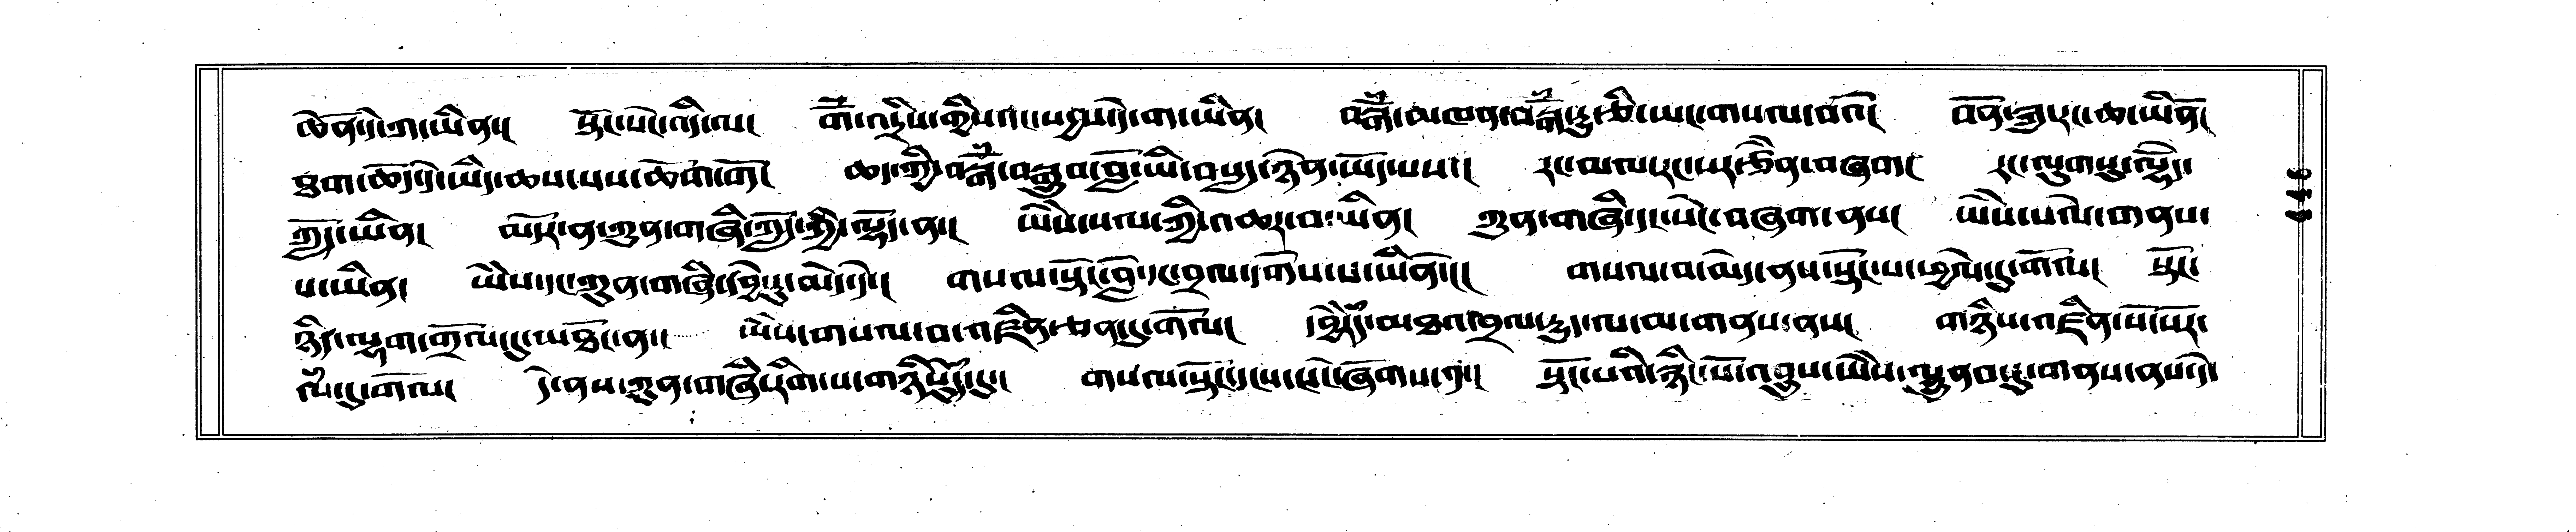ཆེན་པོ་འདི་ཀ་ཡིན། སྟོང་སང་ངེ་བའི་ངོའོ་འདི་ལ་གོམ་འདྲིས་གྱིས་དང་སངས་རྒྱས་དེ་ཀ་ཡིན། སྒོམ་མཁན་སྒོམ་རྒྱུ་ངོའོ་ཅིར་ཡང་གསལ་བ་འདི། བོན་སྐུ་རང་ཆས་ཡིན་ནོ། 
ཐག་ཆོད་སྟེ་ཡིད་ཆེས་པས་ཆོག་གོ ཆད་༼ཆེད༽ཀྱིས་བསྒོམ་བསྒྲུབ་བློའི་བསླད་ཉན་ཡོད་པས། རང་མལ་རང་སོར་ཙེན་ནེ་བཞག རང་ལུགས་སུ་ལྷོད་དེ་
ཀློད་པ་ཡིན། མདོར་ན་ཀུན་གཞི་ལྷོད་ཀྱིས་ཀློད་ན་ཡེ་ཤེས་སལ་གྱིས་འཆར་བ་ཡིན། ཀུན་གཞི་དང་སང་ངེ་བཞག་ན། ཡེ་ཤེས་གསལ་སལེ་གནས་
པ་ཡིན། ཡེ་”ཤེས”དང་ཀུན་གཞི་དབྱེ་རུ་མེད་དེ་གསལ་སྟོང་བློ་དང་བྲལ་དགོས་པ་ཡིན། གསལ་བ་མེད་ན་སྟོང་པ་ཕྱལ་ཆད་དུ་གོལ། སྟོང་
ཉིད་ལྷག་གྲོལ་དུ་མ་མཐོང་ན། ཡེ་ཤེས་གསལ་བ་འཛིན་པ་ཅན་དུ་གོལ། དབྱེར་མེད་མཐའ་བྲལ་རྒྱུད་ལ་མ་གནས་ན། གཉིས་འཛིན་སོ་སོའི་
ལམ་དུ་གོལ། དེ་ནས་ཀུན་གཞི་རིག་པ་གཉིས་མེད་དུ་གསལ་སྟོང་དང་ངེ་ཞོག་ཅིག སྟོང་པའི་སྙིང་པོ་འབྲས་བུ་ཡེ་ཤེས་ལྷུན་གྲུབ་དུ་གནས་པ་